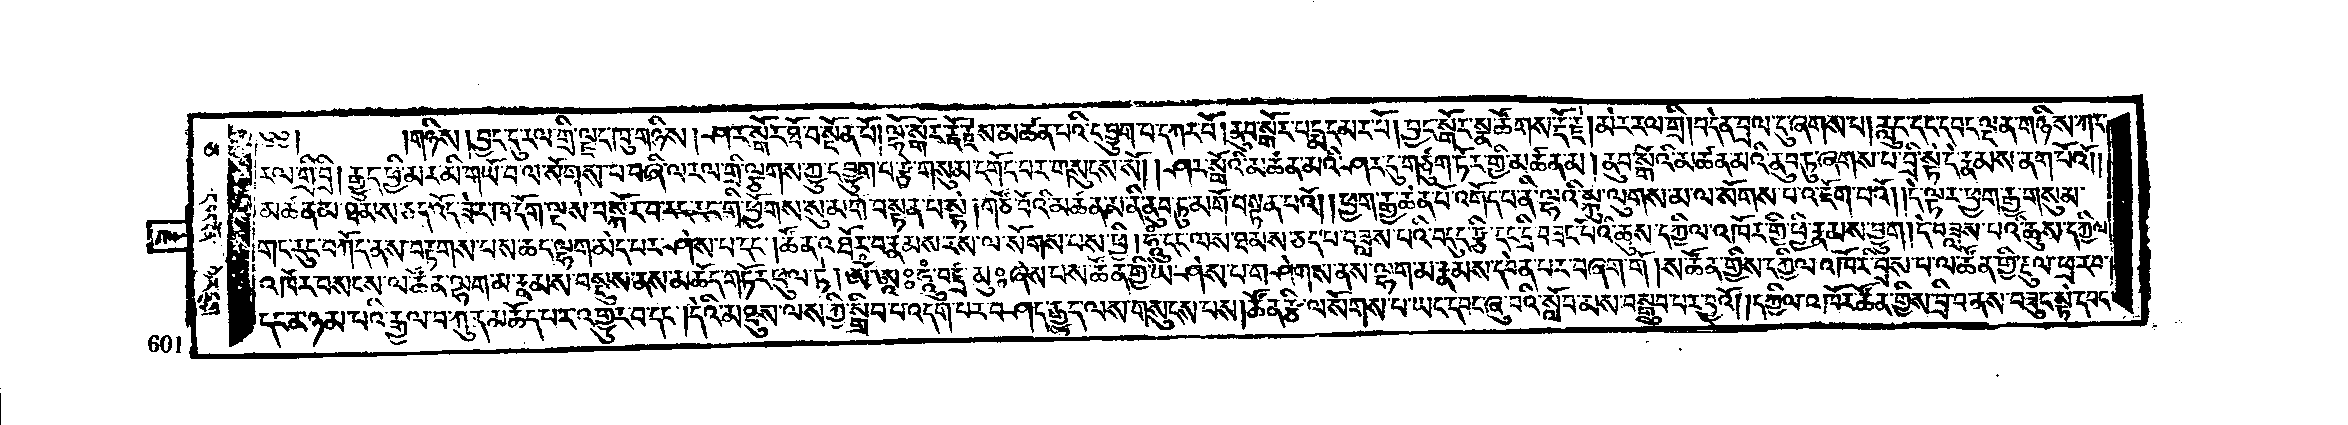༄༅། །གཉིས། བྱང་དུ་རལ་གྲི་ལྗང་ཁུ་གཉིས། ཤར་སྒོར་ཐོ་བ་སྔོན་པོ། ལྷོ་སྒོར་རྡོ་རྗེས་མཚན་པའི་དབྱུག་པ་དཀར་པོ། ནུབ་སྒོར་པདམ་དམར་པོ། བྱང་སྒོར་སྣ་ཚོགས་རྡོ་རྗེ། མེར་རལ་གྲི། བདེན་བྲལ་དུ་ཞགས་པ། རླུང་དང་དབང་ལྡན་གཉིས་ཀར་
རལ་གྲི་བྲི། རྒྱུད་ཕྱི་མར་མི་གཡོ་བ་ལ་སོགས་པ་བཞི་ལ་རལ་གྲི་ལྕགས་ཀྱུ་དབྱུག་པ་རྩ་གསུམ་དགོད་པར་གསུངས་སོ། །ཤར་སྒོའི་མཚན་མའི་ཤར་དུ་གཙུག་ཏོར་གྱི་མཚན་མ། ནུབ་སྒོའི་མཚན་མའི་ནུབ་ཏུ་ཞགས་པ་བྲི་སྟེ་དེ་རྣམས་ནག་པོའོ། །
མཚན་མ་ཐམས་ཅད་འོད་ཟེར་ཁ་དོག་ལྔས་བསྐོར་བ་རང་རང་གི་ཕྱོགས་སུ་མགོ་བསྟན་པ་སྟེ། གཙོ་བོའི་མཚན་མ་ནི་ནུབ་ཏུ་མགོ་བསྟན་པའོ། །ཕྱག་རྒྱ་ཆེན་པོ་འགོད་པ་ནི་ལྷའི་སྐུ་ལུགས་མ་ལ་སོགས་པ་འཇོག་པའོ། །དེ་ལྟར་ཕྱག་རྒྱ་གསུམ་
གང་རུང་བཀོད་ནས་བརྟགས་པས་ཆད་ལྷག་མེད་པར་ཤེས་པ་དང་། ཚོར་འཐོར་བ་རྣམས་རས་ལ་སོགས་པས་ཕྱི། ཧཱུཾ་དང་ལས་ཐམས་ཅད་པ་བཟླས་པའི་བདུད་རྩི་དང་དྲི་བཟང་པོའི་ཆུས་དཀྱིལ་འཁོར་གྱི་ཕྱི་རྣམས་བྱུག །དེ་བཟླས་པའི་ཆུས་དཀྱིལ་
འཁོར་བསངས་ལ་ཚོན་ལྷག་མ་རྣམས་བསྡུས་ནས་མཆོད་གཏོར་ཕུལ་ཏེ། ཨོཾ་ཨཱཿ ཧཱུཾ་བཛྲ་མུཿ ཞེས་པས་ཚོན་གྱི་ཡི་ཤེས་པ་གཤེགས་ནས་ལྷག་མ་རྣམས་དབེན་པར་བཞག་གོ །ས་ཚོན་གྱིས་དཀྱིལ་འཁོར་བྲིས་པ་ལ་ཚོན་གྱི་རྡུལ་ཕྲ་རབ་
དང་མཉམ་པའི་རྒྱལ་བ་ཀུན་མཆོད་པར་འགྱུར་བ་དང་། དེའི་མཐུས་ལས་ཀྱི་སྒྲིབ་པ་འདག་པར་བཤད་རྒྱུད་ལས་གསུངས་པས། ཚོན་རྩི་ལ་སོགས་པ་ཡང་དབང་ཞུ་བའི་སློབ་མས་བསྒྲུབ་པར་བྱའོ། །དཀྱིལ་འཁོར་ཚོན་གྱིས་བྲི་བ་ནས་བཟུང་སྟེ་དབང་